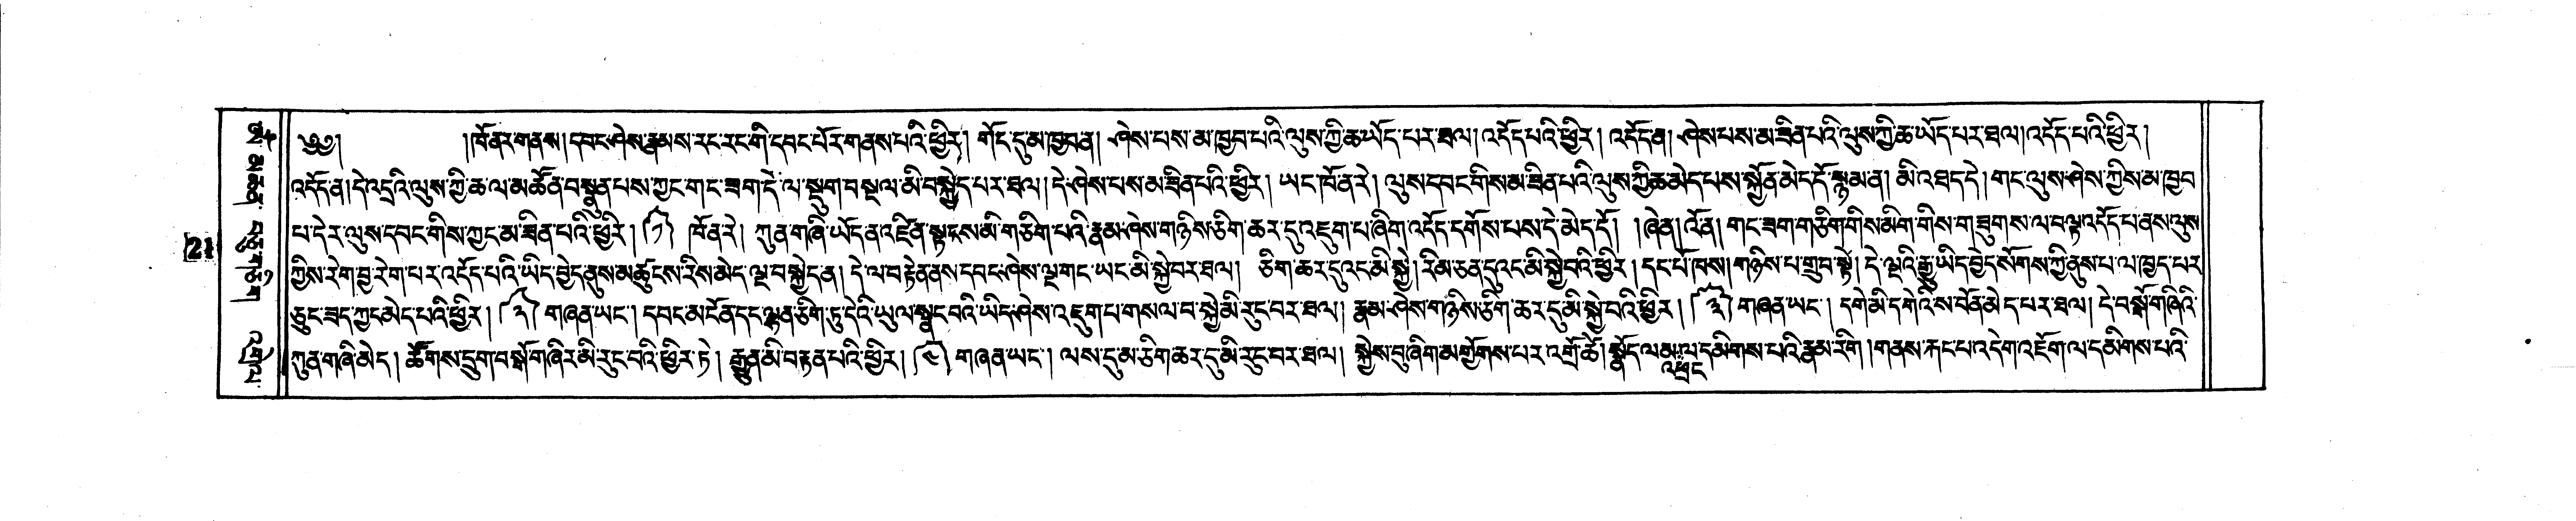༄༅། །ཁོ་ནར་གནས། དབང་ཤེས་རྣམས་རང་རང་གི་དབང་པོར་གནས་པའི་ཕྱིར། གོང་དུ་མ་ཁྱབ་ན། ཤེས་པས་མ་ཁྱབ་པའི་ལུས་ཀྱི་ཆ་ཡོད་པར་ཐལ། འདོད་པའི་ཕྱིར། འདོད་ན། ཤེས་པས་མ་ཟིན་པའི་ལུས་ཀྱི་ཆ་ཡོད་པར་ཐལ། འདོད་པའི་ཕྱིར།
འདོད་ན། དེ་འདྲའི་ལུས་ཀྱི་ཆ་ལ་མཚོན་བསྣུན་པས་ཀྱང་གང་ཟག་དེ་ལ་སྡུག་བསྔལ་མི་བསྐྱེད་པར་ཐལ། དེ་ཤེས་པས་མ་ཟིན་པའི་ཕྱིར། ཡང་ཁོ་ན་རེ། ལུས་དབང་གིས་མ་ཟིན་པའི་ལུས་ཀྱི་ཆ་མེད་པས་སྐྱོན་མེད་དོ་སྙམ་ན། མི་འཐད་དེ། གང་ལུས་ཤེས་ཀྱིས་མ་ཁྱབ་
པ་དེར་ལུས་དབང་གིས་ཀྱང་མ་ཟིན་པའི་ཕྱིར། ༡?་ཁོ་ན་རེ། ཀུན་གཞི་ཡོད་ན་འཛིན་སྟངས་མི་གཅིག་པའི་རྣམ་ཤེས་གཉིས་ཅིག་ཆར་དུ་འཇུག་པ་ཞིག་འདོད་དགོས་པས་དེ་མེད་དོ།། ཞེ་ན། འོ་ན། གང་ཟག་གཅིག་གིས་མིག་གིས་གཟུགས་ལ་བལྟ་འདོད་པ་ནས་ལུས་
ཀྱིས་རེག་བྱ་རེག་པར་འདོད་པའི་ཡིད་བྱེད་ནུས་མཚུངས་རིས་མེད་ལྔ་བསྐྱེད་ན། དེ་ལ་བརྟེན་ནས་དབང་ཤེས་ལྔ་གང་ཡང་མི་སྐྱེ་བར་ཐལ། ཅིག་ཆར་དུའང་མི་སྐྱེ། རིམ་ཅན་དུའང་མི་སྐྱེ་བའི་ཕྱིར། དང་པོ་ཁས། གཉིས་པ་གྲུབ་སྟེ། དེ་ལྔའི་རྒྱུ་ཡིད་བྱེད་སོགས་ཀྱི་ནུས་པ་ལ་ཁྱད་པར་
ཅུང་ཟད་ཀྱང་མེད་པའི་ཕྱིར། ༼༢?་གཞན་ཡང་། དབང་མངོན་དང་ལྷན་ཅིག་ཏུ་དེའི་ཡུལ་སྣང་བའི་ཡིད་ཤེས་འཇུག་པ་གསལ་བ་སྐྱེ་མི་རུང་བར་ཐལ། རྣམ་ཤེས་གཉིས་ཅིག་ཆར་དུ་མི་སྐྱེ་བའི་ཕྱིར། ༽༣?་གཞན་ཡང་། དགེ་མི་དགེའི་ས་བོན་མེད་པར་ཐལ། དེ་བསྒོ་གཞིའི་
ཀུན་གཞི་མེད། ཚོགས་དྲུག་བསྒོ་གཞིར་མི་རུང་བའི་ཕྱིར་ཏེ། རྒྱུན་མི་བརྟན་པའི་ཕྱིར། ༤?་གཞན་ཡང་། ལས་དུ་མ་ཅིག་ཆར་དུ་མི་རུང་བར་ཐལ། སྐྱེས་བུ་ཞིག་མགྱོགས་པར་འགྲོ་ཚེ། སྣོད་ལམ་འཕྲང་ལ་དམིགས་པའི་རྣམ་རིག །གནས་རྐང་པ་འདེག་འཇོག་ལ་དམིགས་པའི་